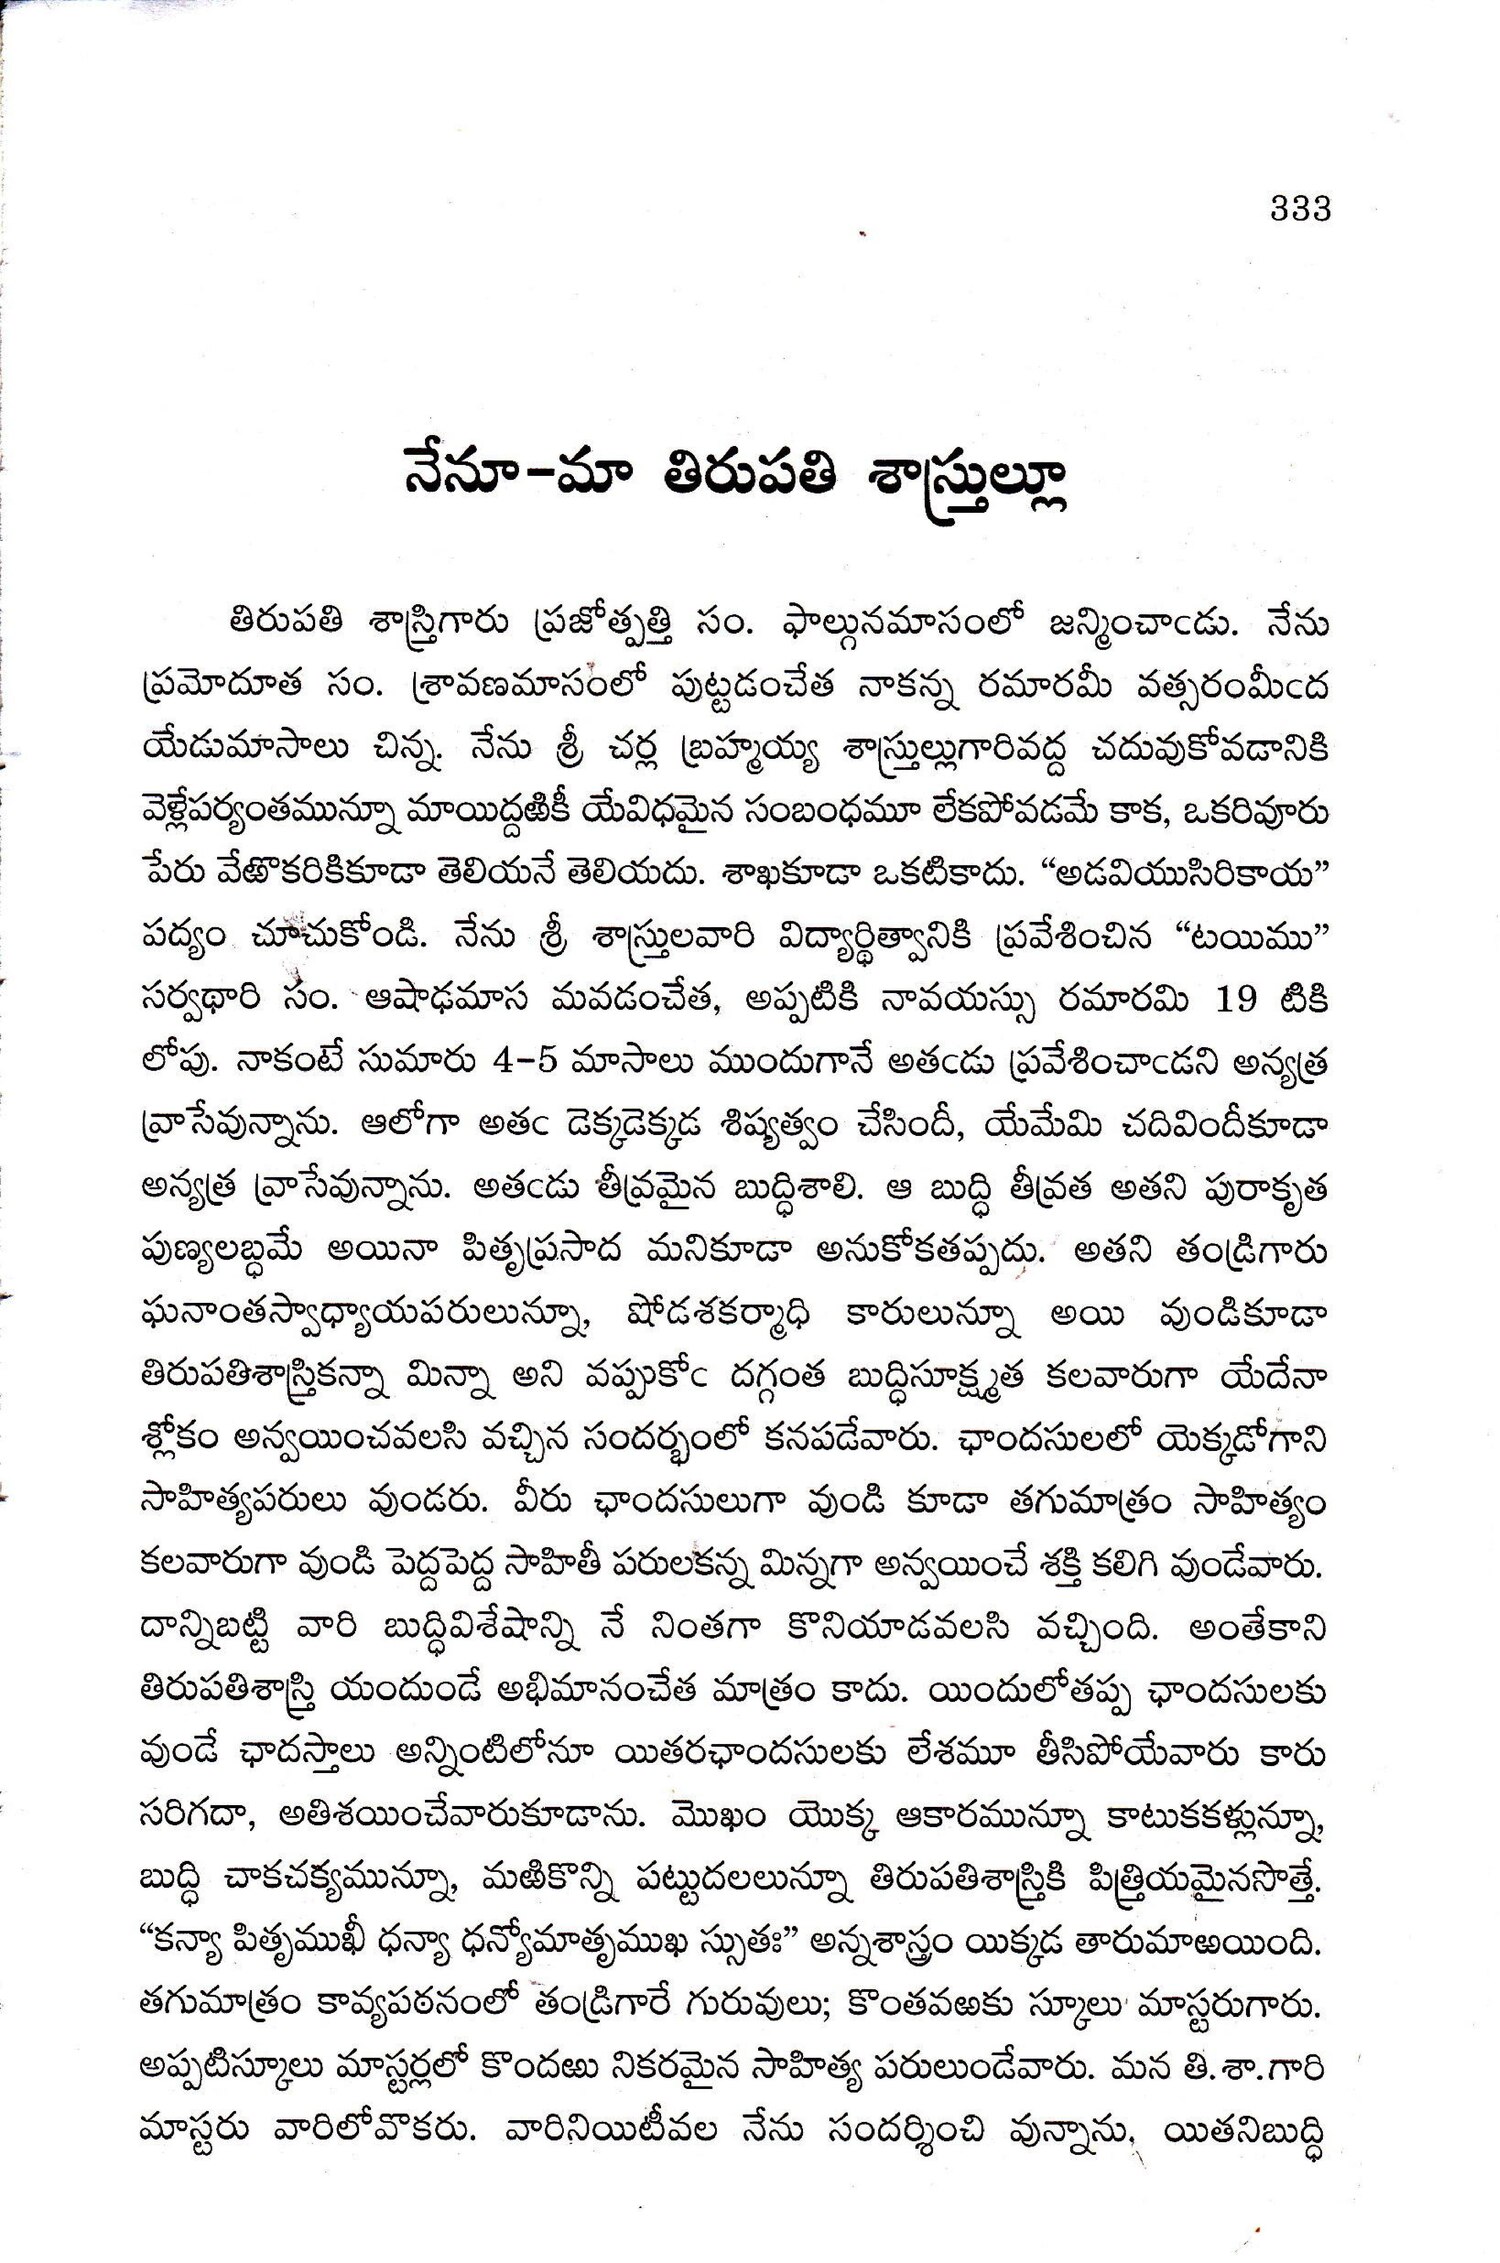నేనూ-మా తిరుపతి శాస్త్రుల్లూ

తిరుపతి శాస్త్రిగారు ప్రజోత్పత్తి సం. ఫాల్గునమాసంలో జన్మించాఁడు. నేను ప్రమోదూత సం. శ్రావణమాసంలో పుట్టడంచేత నాకన్న రమారమీ వత్సరంమీఁద యేడుమాసాలు చిన్న. నేను శ్రీ చర్ల బ్రహ్మయ్య శాస్త్రుల్లుగారివద్ద చదువుకోవడానికి వెళ్లేపర్యంతమున్నూ మాయిద్దఱికీ యేవిధమైన సంబంధమూ లేకపోవడమే కాక, ఒకరివూరు పేరు వేఱొకరికికూడా తెలియనే తెలియదు. శాఖకూడా ఒకటికాదు. “అడవియుసిరికాయ" పద్యం చూచుకోండి. నేను శ్రీ శాస్త్రులవారి విద్యార్థిత్వానికి ప్రవేశించిన "టయిము” సర్వధారి సం. ఆషాఢమాస మవడంచేత, అప్పటికి నావయస్సు రమారమి 19 టికి లోపు. నాకంటే సుమారు 4-5 మాసాలు ముందుగానే అతఁడు ప్రవేశించాఁడని అన్యత్ర వ్రాసేవున్నాను. ఆలోగా అతఁ డెక్కడెక్కడ శిష్యత్వం చేసిందీ, యేమేమి చదివిందీకూడా అన్యత్ర వ్రాసేవున్నాను. అతఁడు తీవ్రమైన బుద్ధిశాలి. ఆ బుద్ధి తీవ్రత అతని పురాకృత పుణ్యలబ్ధమే అయినా పితృప్రసాద మనికూడా అనుకోకతప్పదు. అతని తండ్రిగారు ఘనాంతస్వాధ్యాయపరులున్నూ, షోడశకర్మాధి కారులున్నూ అయి వుండికూడా తిరుపతిశాస్త్రికన్నా మిన్నా అని వప్పుకోఁ దగ్గంత బుద్ధిసూక్ష్మత కలవారుగా యేదేనా శ్లోకం అన్వయించవలసి వచ్చిన సందర్భంలో కనపడేవారు. ఛాందసులలో యెక్కడోగాని సాహిత్యపరులు వుండరు. వీరు ఛాందసులుగా వుండి కూడా తగుమాత్రం సాహిత్యం కలవారుగా వుండి పెద్దపెద్ద సాహితీ పరులకన్న మిన్నగా అన్వయించే శక్తి కలిగి వుండేవారు. దాన్నిబట్టి వారి బుద్ధివిశేషాన్ని నే నింతగా కొనియాడవలసి వచ్చింది. అంతేకాని తిరుపతిశాస్త్రి యందుండే అభిమానంచేత మాత్రం కాదు. యిందులోతప్ప ఛాందసులకు వుండే ఛాదస్తాలు అన్నింటిలోనూ యితరఛాందసులకు లేశమూ తీసిపోయేవారు కారు సరిగదా, అతిశయించేవారుకూడాను. మొఖం యొక్క ఆకారమున్నూ కాటుకకళ్లున్నూ, బుద్ధి చాకచక్యమున్నూ, మఱికొన్ని పట్టుదలలున్నూ తిరుపతిశాస్త్రికి పిత్త్రియమైనసోత్తే, “కన్యా పితృముఖీ ధన్యా ధన్యోమాతృముఖ స్సుతః" అన్నశాస్త్రం యిక్కడ తారుమాఱయింది. తగుమాత్రం కావ్యపఠనంలో తండ్రిగారే గురువులు; కొంతవఱకు స్కూలు మాస్టరుగారు. అప్పటిస్కూలు మాస్టర్లలో కొందఱు నికరమైన సాహిత్య పరులుండేవారు. మన తి. శా.గారి మాస్టరు వారిలో వొకరు. వారినియిటీవల నేను సందర్శించి వున్నాను, యితనిబుద్ధి